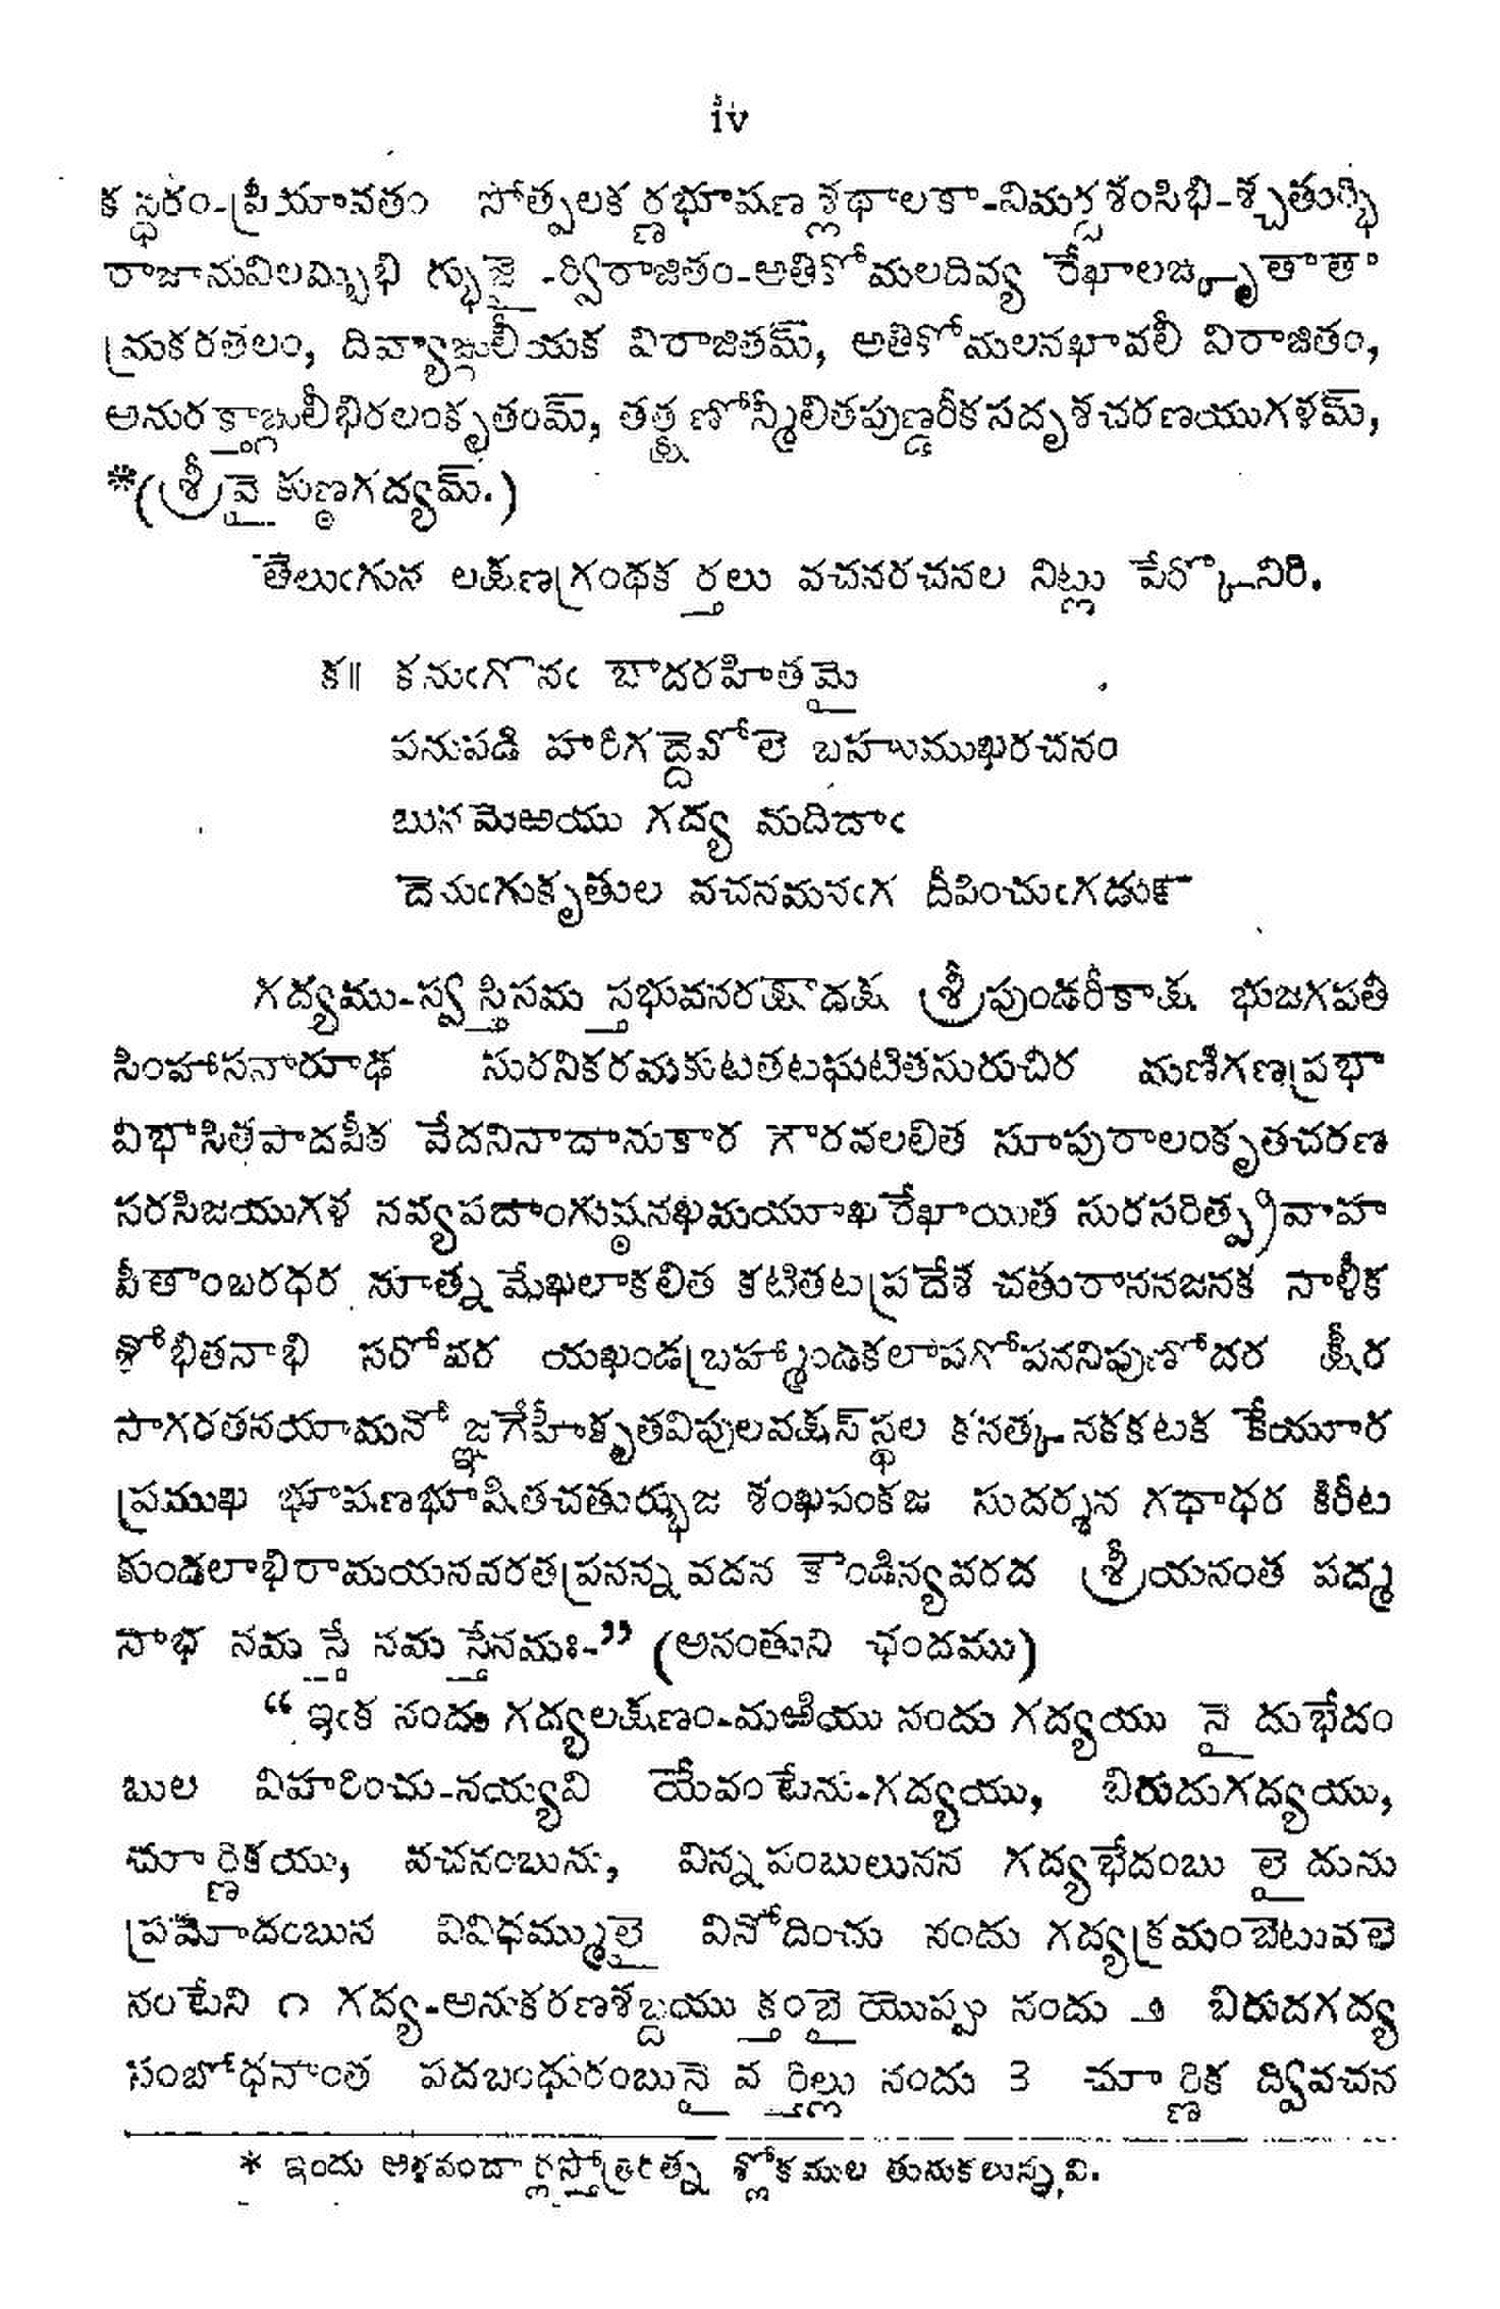కన్ధరం ప్రియావతం సోత్పలకర్ణభూషణశ్లథాలకా-నిమర్దశంసిభి-శ్చతుర్భి రాజానునిలమ్బభి గ్భుజై -ర్విరాజితం అతికోమలదివ్య రేఖాలఙ్కృతాతామ్రకరతలం, దివ్యాఙ్గులీయక విరాజితమ్, అతికోమలనభావలీ విరాజితం, అనురక్తాఙ్గులీభిరలంకృతంమ్, తత్క్షణోన్మీలిత పుణ్డరీకసదృశచరణయుగళమ్, (శ్రీవైకుణ్ఠగద్యమ్.)

తెలుఁగున లక్షణగ్రంథకర్తలు వచనరచనల నిట్లు పేర్కొనిరి.

గద్యము-స్వస్తిసమస్తభువనరక్షాదక్ష శ్రీపుండరీకాక్ష భుజగపతి సింహాసనారూఢ సురనికరమకుటతటఘటితసురుచీర మణిగణప్రభావిభాసితపాదపీఠ వేదనినాదానుకార గౌరవలలిత సూపురాలంకృతచరణ సరసిజయుగళ నవ్యపదాంగుష్ఠనఖమయూఖరేఖాయిత సురసరిత్ప్రవాహ పీతాంబరధర నూత్న మేఖలాకలిత కటితటప్రదేశ చతురాననజనకి నాళీక శోభితనాభి సరోవర యఖండబ్రహ్మాండకలాపగోపననిపుణోదర క్షీర సాగరతనయామనోజ్ఞగేహీకృతవిపులవక్షస్ స్థల కనత్కనకకటక కేయూర ప్రముఖ భూషణభూషితచతుర్భుజ శంఖపంకజ సుదర్శన గధాధర కిరీట కుండలాభిరామయనవరతప్రసన్నవదన కౌండిన్యవరద శ్రీయనంత పద్మనాభ నమస్తే నమస్తేనమః” (అనంతుని ఛందము)

"ఇఁక సందు గద్యలక్షణం-మఱియు నందు గద్యయు నైదుభేదంబుల విహరించు-నయ్యవి యేవంటేను-గద్యయు, బిరుదుగద్యయు, చూర్ణికయు, వచనంబును, విన్నపంబులునన గద్యభేదంబు లైదును ప్రమోదంబున వివిధమ్ములై వినోదించు నందు గద్యక్రమంబెటువలెనంటేని ౧ గద్య-అనుకరణశబ్దయక్తంబైయొప్పు నందు ౨ బిరుదగద్య సంబోధనాంత పదబంధురంబునైవర్తిల్లు నందు ౩ చూర్ణిక ద్వివచన